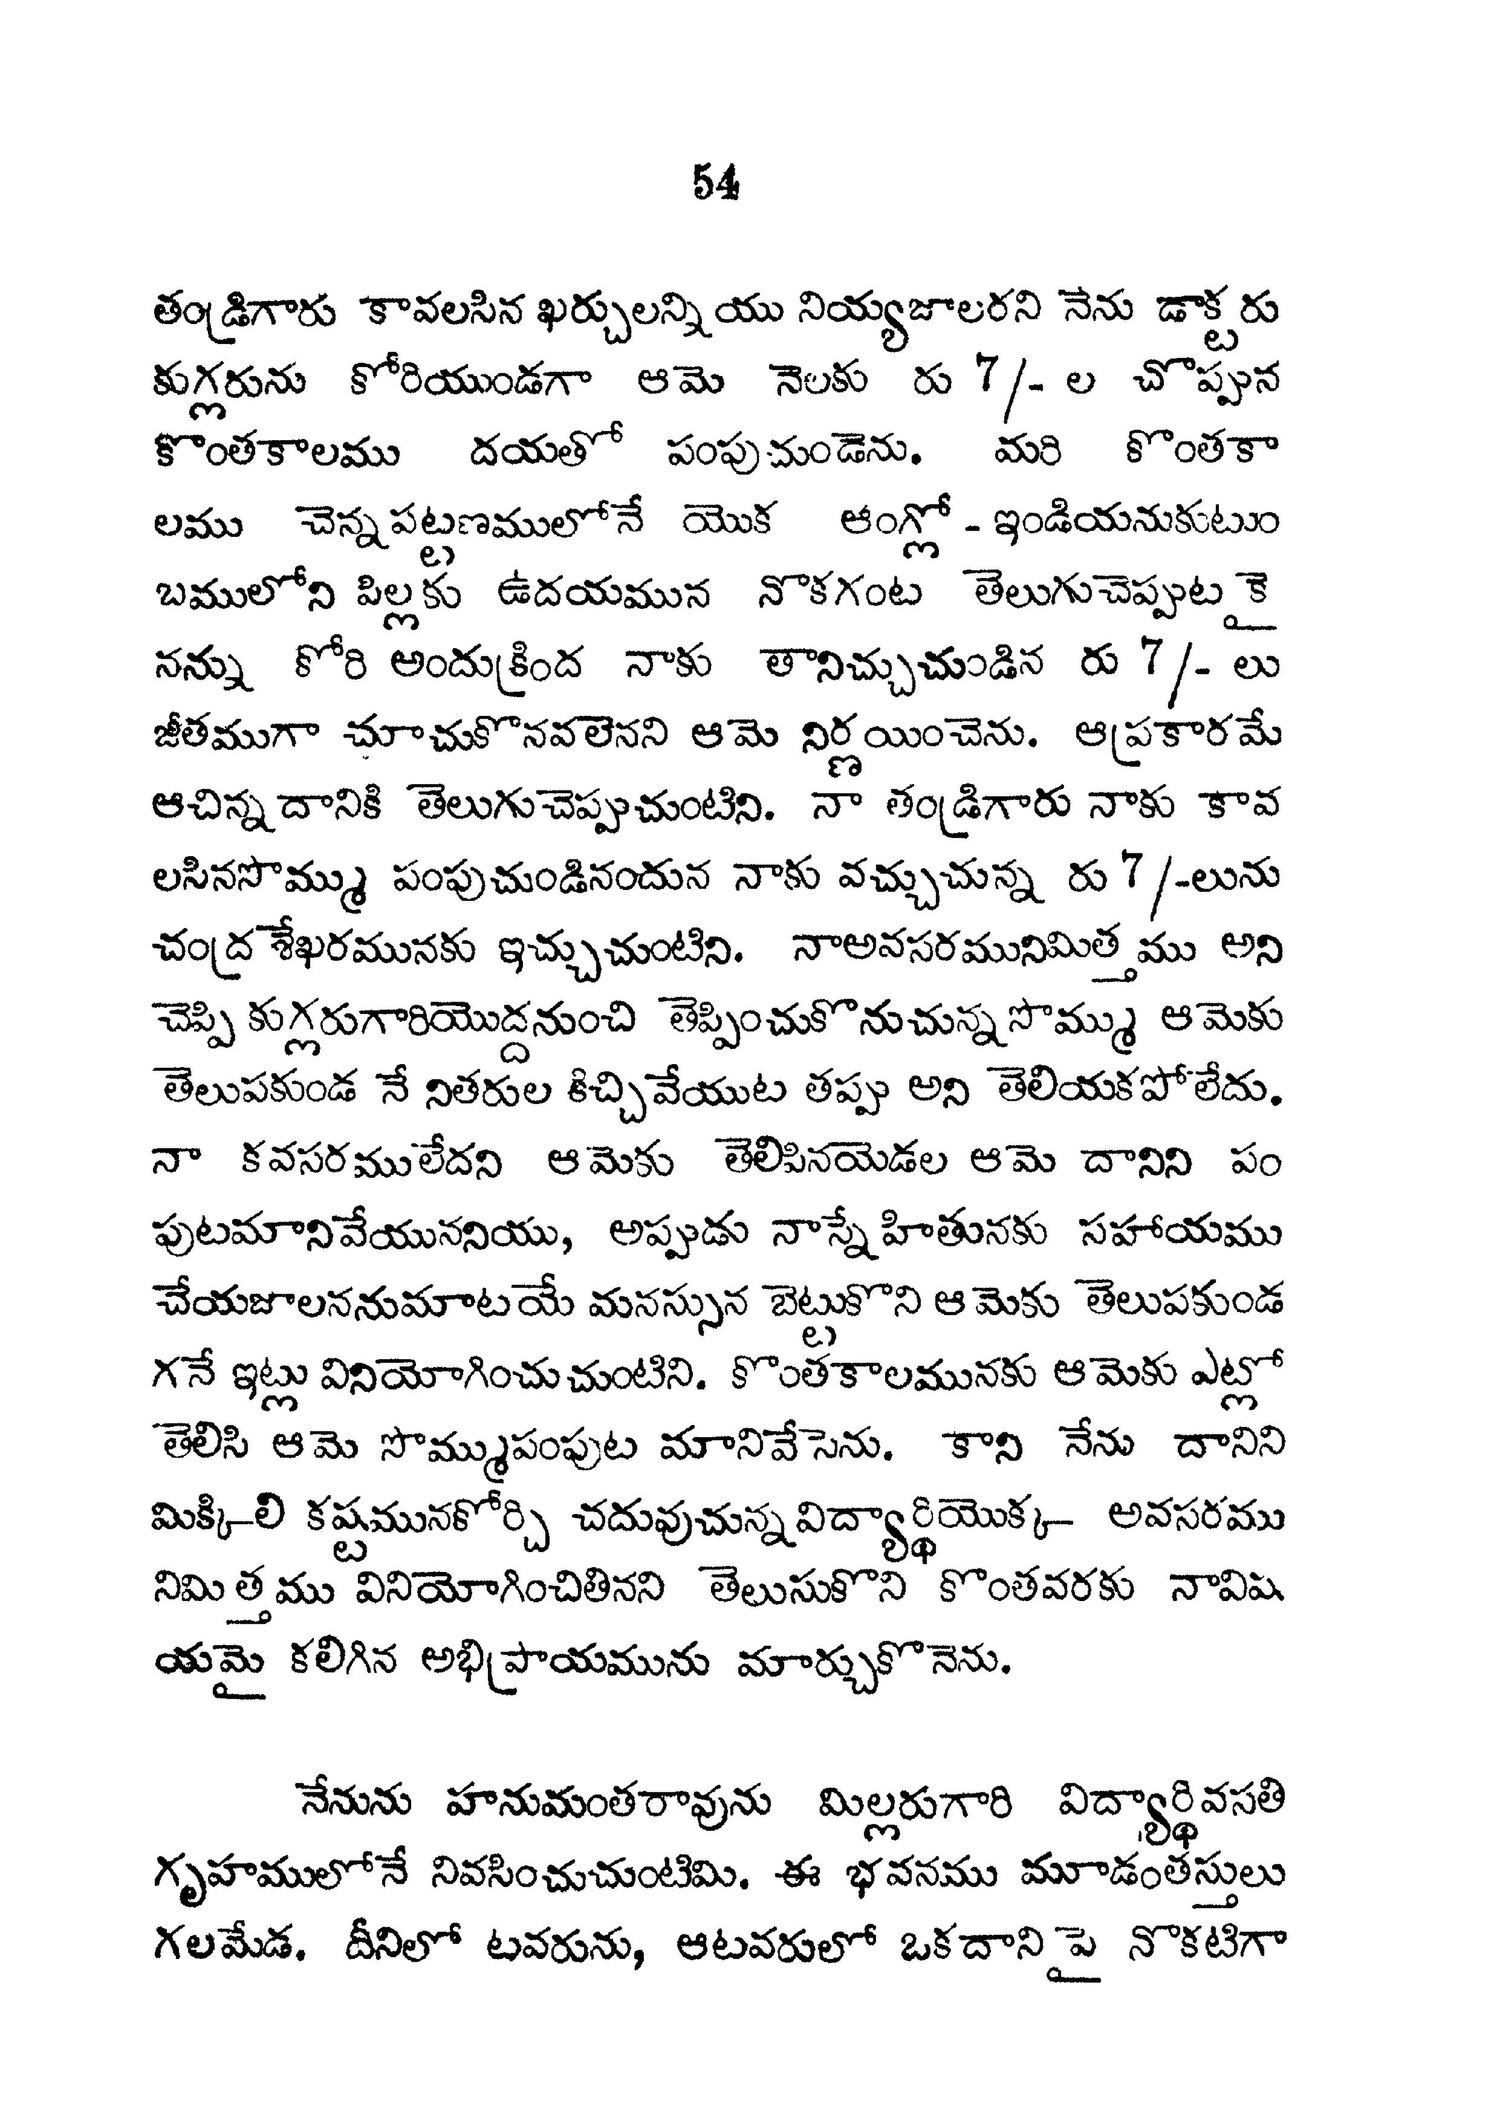తండ్రిగారు కావలసిన ఖర్చులన్నియు నియ్యజాలరని నేను డాక్టరు కుగ్లరును కోరియుండగా ఆమె నెలకు రు 7/- ల చొప్పున కొంతకాలము దయతో పంపుచుండెను. మరి కొంతకాలము చెన్నపట్టణములోనే యొక ఆంగ్లో - ఇండియనుకుటుంబములోని పిల్లకు ఉదయమున నొకగంట తెలుగుచెప్పుటకై నన్ను కోరి అందుక్రింద నాకు తానిచ్చుచుండిన రు 7/- లు జీతముగా చూచుకొనవలెనని ఆమె నిర్ణయించెను. ఆప్రకారమే ఆచిన్నదానికి తెలుగుచెప్పుచుంటిని. నా తండ్రిగారు నాకు కావలసినసొమ్ము పంపుచుండినందున నాకు వచ్చుచున్న రు 7/-లును చంద్రశేఖరమునకు ఇచ్చుచుంటిని. నాఅవసరనిమిత్తము అనిచెప్పి కుగ్లరుగారియొద్దనుంచి తెప్పించుకొనుచున్నసొమ్ము ఆమెకు తెలుపకుండ నే నితరుల కిచ్చివేయుట తప్పు అని తెలియకపోలేదు. నా కవసరములేదని ఆమెకు తెలిపినయెడల ఆమె దానిని పంపుటమానివేయుననియు, అప్పుడు నాస్నేహితునకు సహాయము చేయజాలననుమాటయే మనస్సున బెట్టుకొని ఆమెకు తెలుపకుండ గనే ఇట్లు వినియోగించుచుంటిని. కొంతకాలమునకు ఆమెకు ఎట్లో తెలిసి ఆమె సొమ్ముపంపుట మానివేసెను. కాని నేను దానిని మిక్కిలి కష్టమునకోర్చి చదువుచున్నవిద్యార్థియొక్క అవసరము నిమిత్తము వినియోగించితినని తెలుసుకొని కొంతవరకు నావిషయమై కలిగిన అభిప్రాయమును మార్చుకొనెను.

నేనును హనుమంతురావును మిల్లరుగారి విద్యార్థివసతి గృహములోనే నివసించుచుంటిమి. ఈ భవనము మూడంతస్తులు గలమేడ. దీనిలో టవరును, ఆటవరులో ఒకదానిపై నొకటిగా